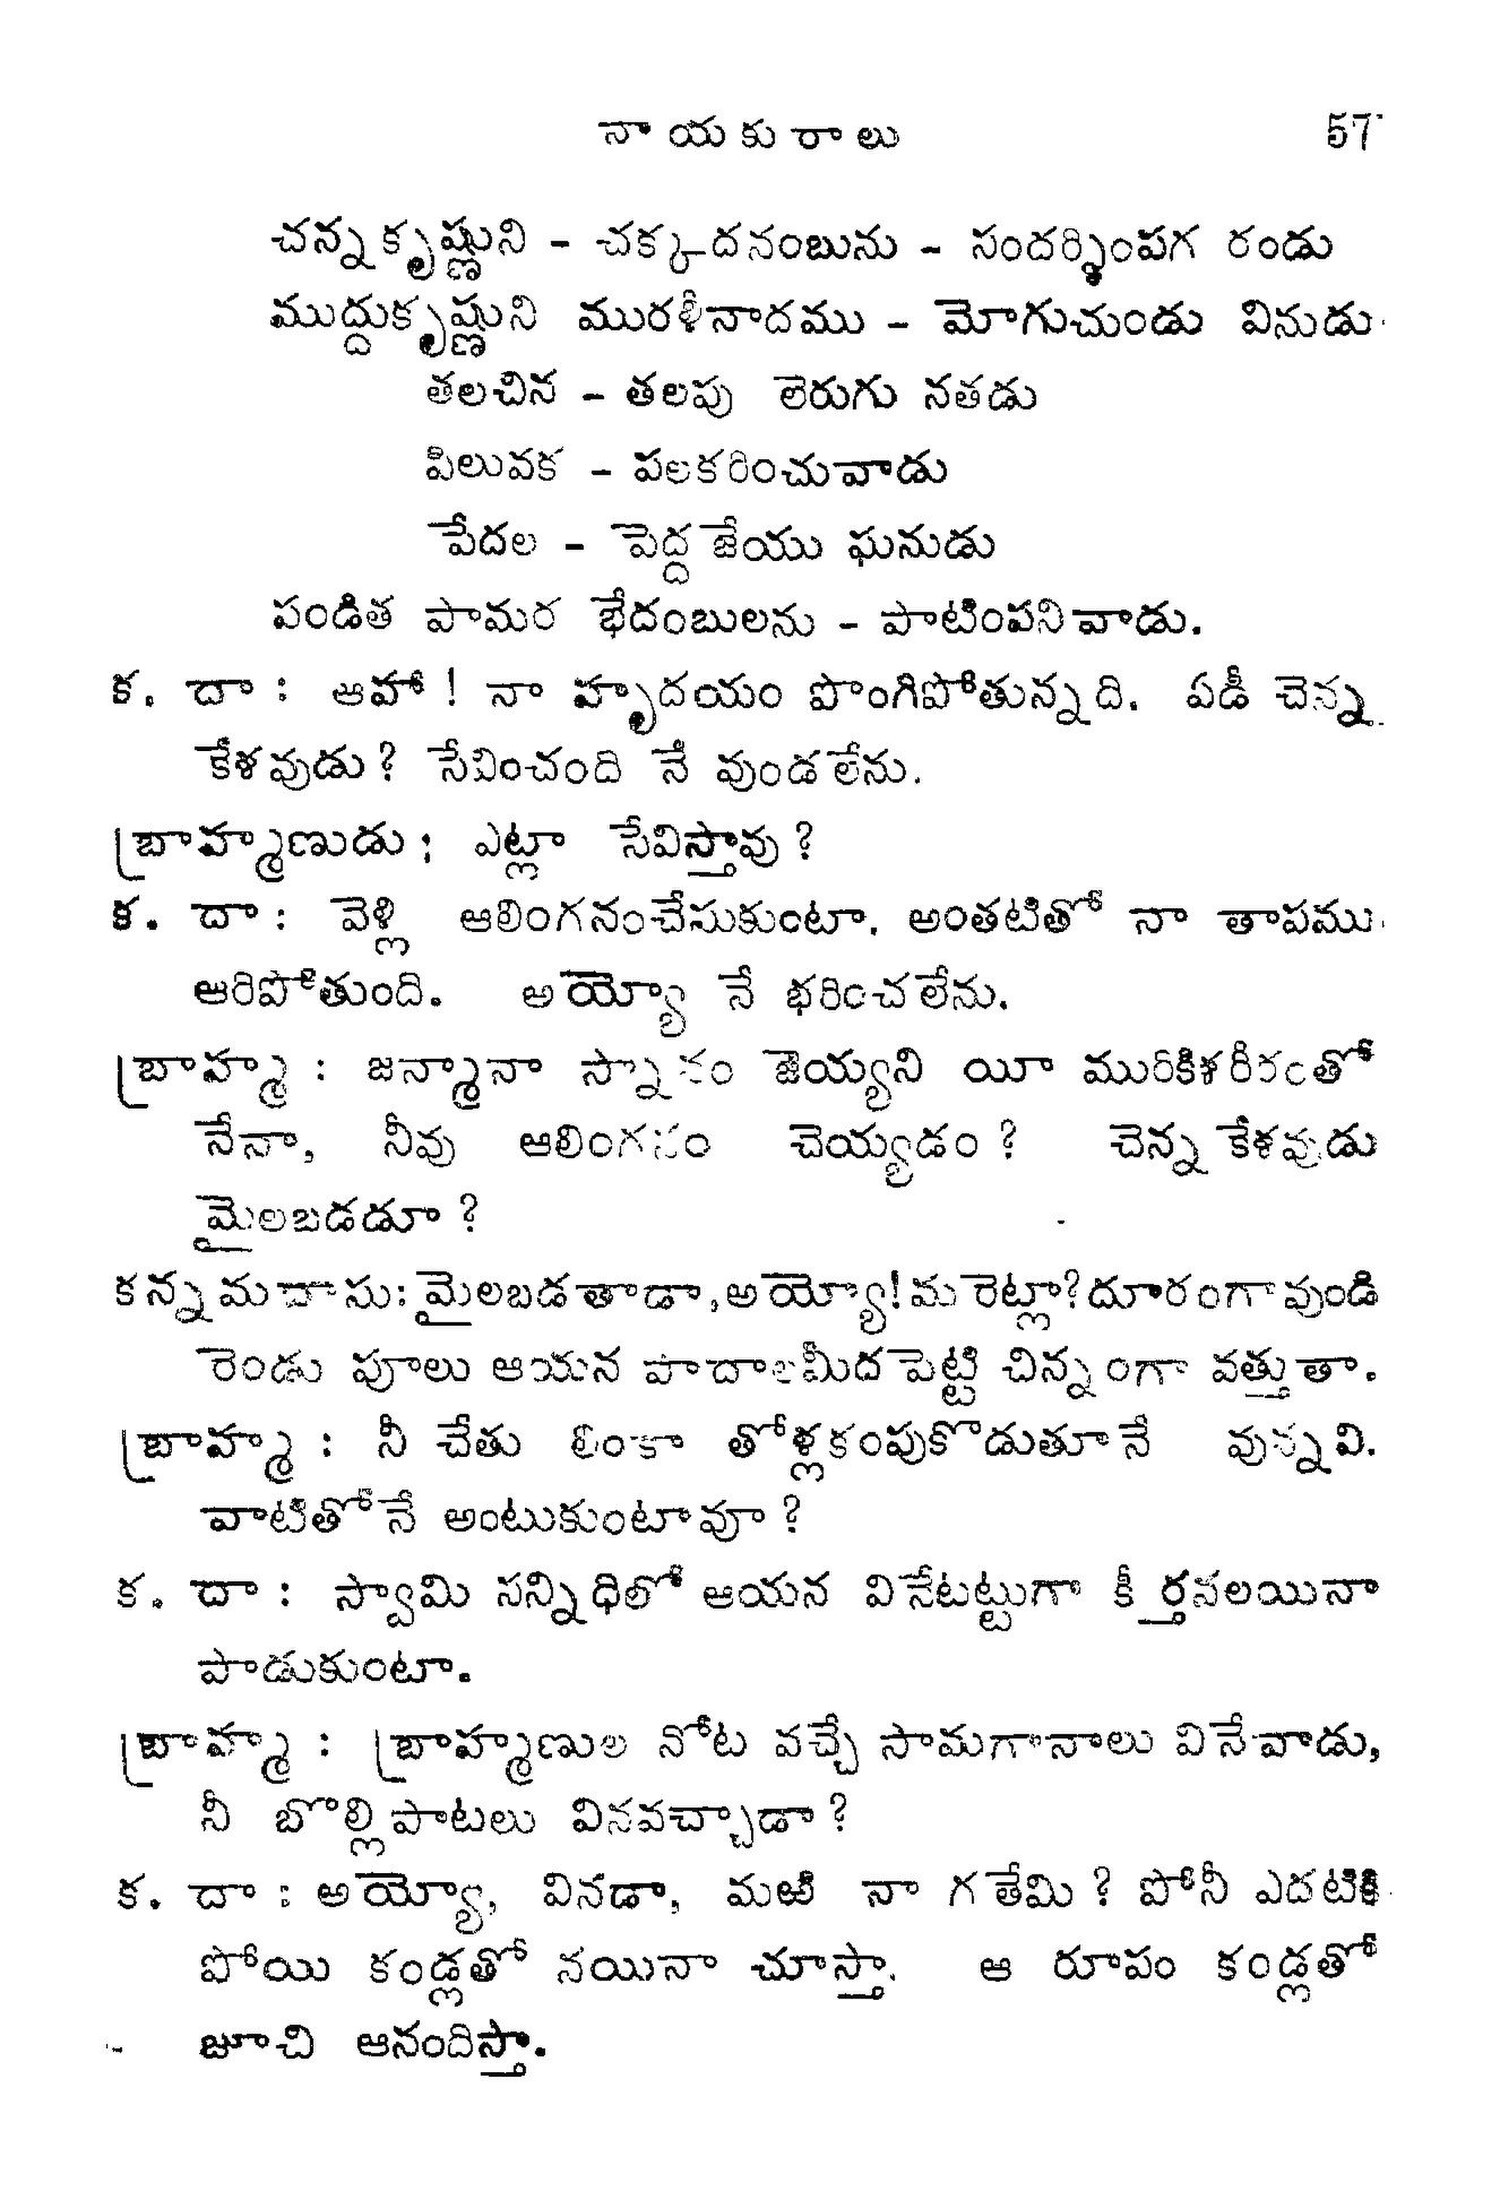చన్నకృష్ణుని - చక్కదనంబును - సందర్శింపగ రండు
 ముద్దుకృష్ణుని మురళీనాదము - మోగుచుండు వినుడు
 తలచిన - తలపు లెరుగు నతడు
 పిలువక - పలకరించువాడు
 పేదల - పెద్దజేయు ఘనుడు
 పండిత పామర భేదంబులను పాటింపనివాడు.
క. దా : ఆహా ! నా హృదయం పొంగిపోతున్నది. ఏడీ చెన్నకేశవుడు ? సేవించంది నే వుండలేను.

బ్రాహ్మణుడు : ఎట్లా సేవిస్తావు ?

క. దా : వెళ్లి ఆలింగనంచేసుకుంటా. అంతటితో నా తాపము. ఆరిపోతుంది. అయ్యో నే భరించలేను.

బ్రాహ్మ : జన్మానా స్నానం జెయ్యని యీ మురికిశరీరంతో నేనా, నీవు ఆలింగనం చెయ్యడం ?
చెన్న కేశవుడు మైలబడడూ ?

కన్నమదాసు: మైలబడతాడా, అయ్యో! మరెట్లా? దూరంగావుండి రెండు పూలు ఆయన పాదాలమీదపెట్టి చిన్నంగా వత్తుతా.

బ్రాహ్మ: నీ చేతు లొంకా తోళ్లకంపుకొడుతూనే వున్నవి. వాటితోనే అంటుకుంటావూ ?

క. దా: స్వామి సన్నిధిలో ఆయన వినేటట్టుగా కీర్తనలయినా పాడుకుంటా.

బ్రాహ్మ: బ్రాహ్మణుల నోట వచ్చే సామగానాలు వినేవాడు, నీ బొల్లిపాటలు వినవచ్చాడా ?

క. దా : అయ్యో, వినడా, మఱి నా గతేమి ? పోనీ ఎదటికిపోయి కండ్లతో నయినా చూస్తా. ఆ రూపం కండ్లతో జూచి ఆనందిస్తా.